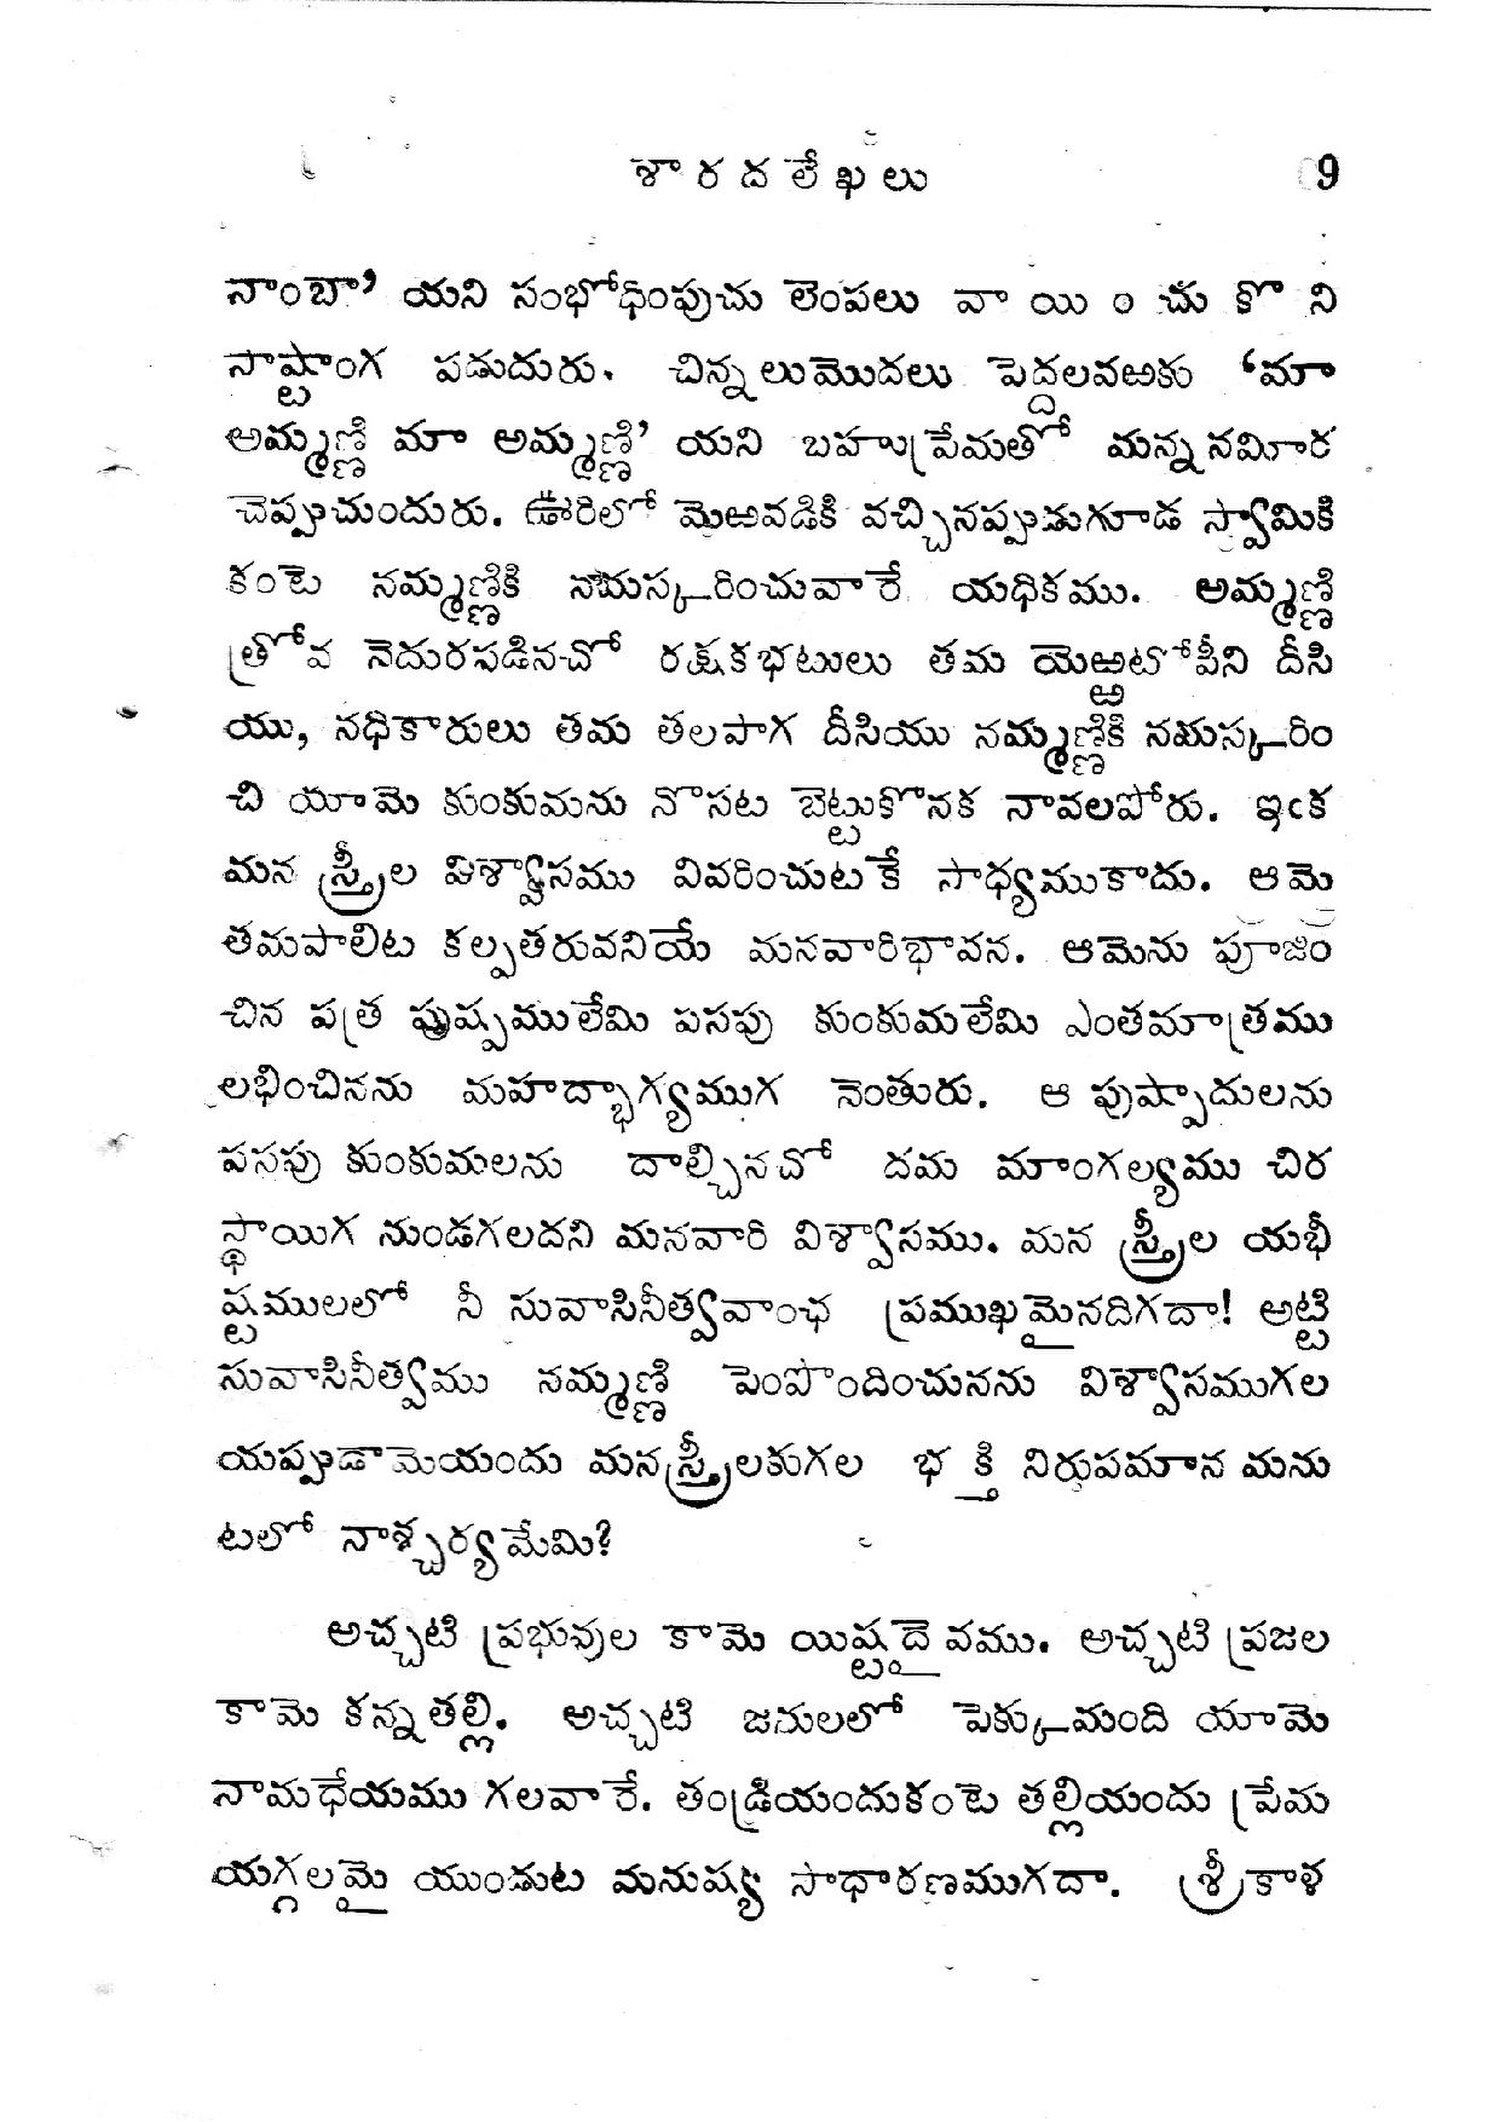నాంబా' యని సంభోధింపుచు లెంపలు వాయించుకొని సాష్టాంగ పడుదురు. చిన్నలుమొదలు పెద్దలవఱకు 'మా అమ్మణ్ణి మా అమ్మణ్ణి' యని బహుప్రేమతో మన్ననమీర చెప్పుచుందురు. ఊరిలో మెఱవడికి వచ్చినప్పుడుగూడ స్వామికి కంటె నమ్మణ్ణికి నమస్కరించువారే యధికము. అమ్మణ్ణి త్రోవ నెదురపడినచో రక్షకభటులు తమ యెఱ్ఱటోపీని దీసియు, నధికారులు తమ తలపాగ దీసియు నమ్మణ్ణికి నమస్కరించి యామె కుంకుమను నొసట బెట్టుకొనక నావలపోరు. ఇఁక మన స్త్రీల విశ్వాసము వివరించుటకే సాధ్యముకాదు. ఆమె తమపాలిట కల్పతరువనియే మనవారిభావన. ఆమెను పూజించిన పత్ర పుష్పములేమి పసుపు కుంకుమలేమి ఎంతమాత్రము లభించినను మహద్భాగ్యముగ నెంతురు. ఆ పుష్పాదులను పసపు కుంకుమలను దాల్చినచో దమ మాంగల్యము చిరస్థాయిగ నుండగలదని మనవారి విశ్వాసము. మన స్త్రీల యభీష్టములలో నీ సువాసినీత్వవాంఛ ప్రముఖమైనదిగదా! అట్టి సువాసినీత్వము నమ్మణ్ణి పెంపొందించునను విశ్వాసముగల యప్పుడామెయందు మనస్త్రీలకుగల భక్తి నిరుపమాన మనుటలో నాశ్చర్యమేమి?

అచ్చటి ప్రభువుల కామె యిష్టదైవము. అచ్చటి ప్రజల కామె కన్నతల్లి. అచ్చటి జనులలో పెక్కుమంది యామె నామధేయము గలవారే. తండ్రియందుకంటె తల్లియందు ప్రేమ యగ్గలమై యుండుట మనుష్య సాధారణముగదా. శ్రీకాళ